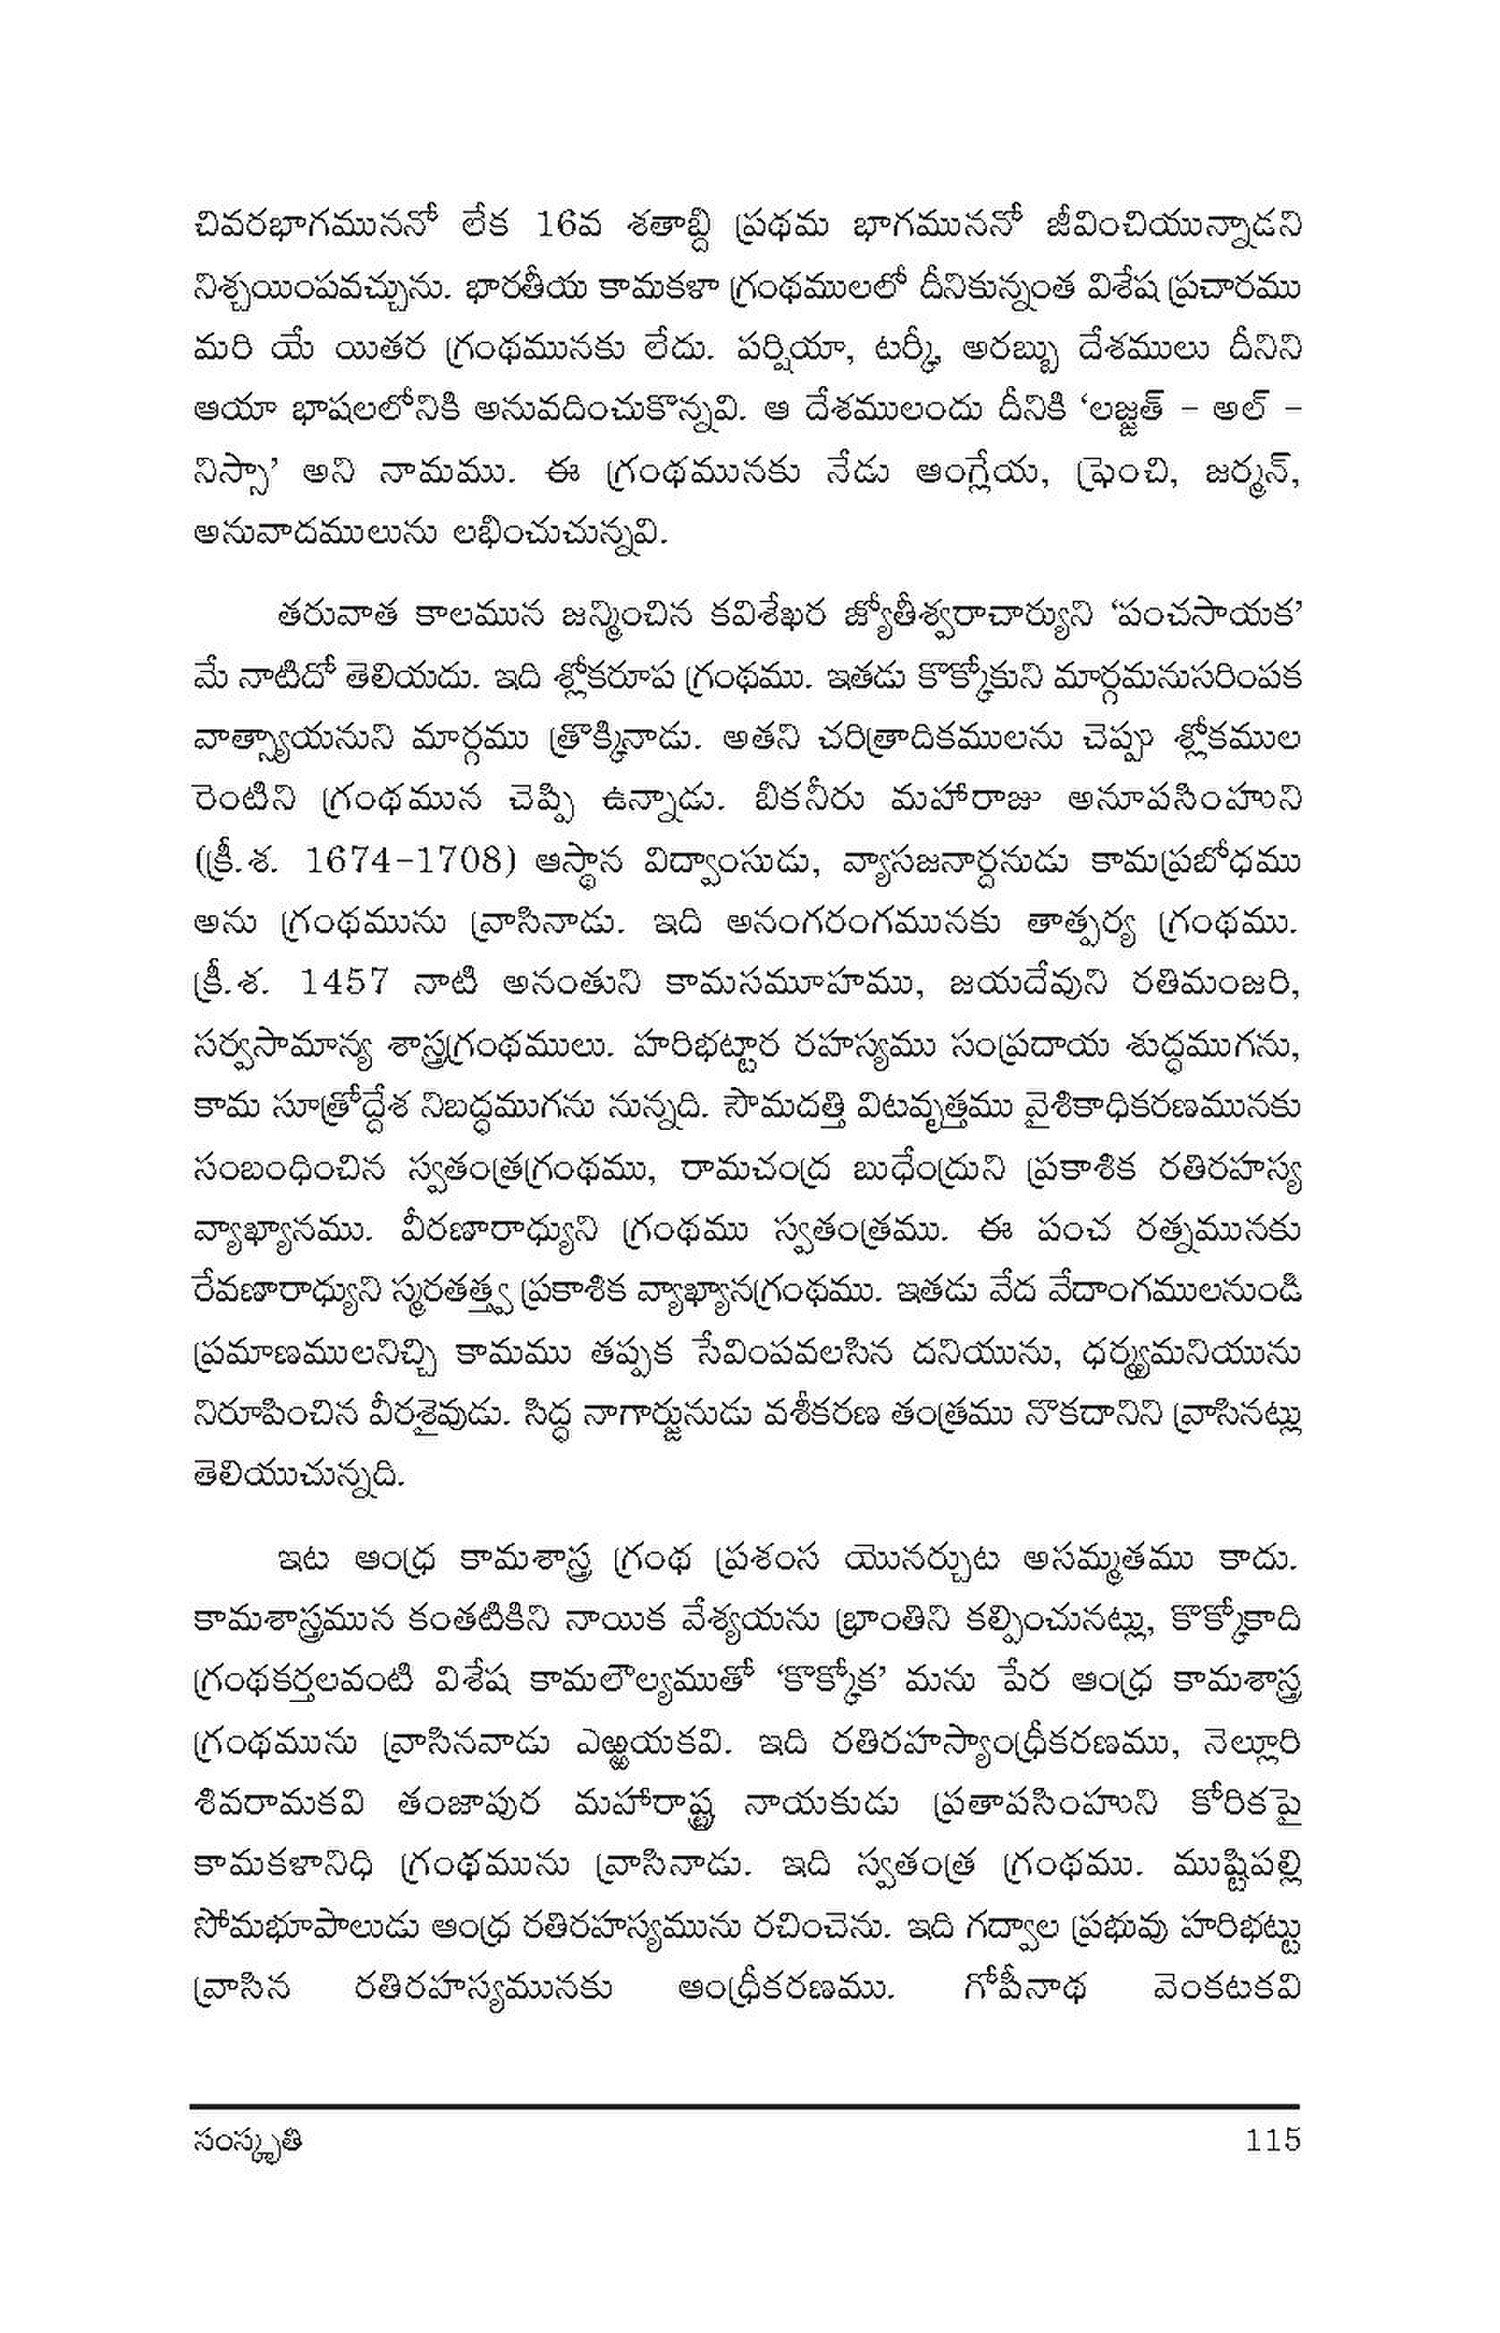చివరభాగముననో లేక 16వ శతాబ్ది ప్రథమ భాగముననో జీవించియున్నాడని
నిశ్చయింపవచ్చును. భారతీయ కామకళా గ్రంథములలో దీనికున్నంత విశేష ప్రచారము మరి యే యితర గ్రంథమునకు లేదు. పర్షియా, టర్కీ, అరబ్బు దేశములు దీనిని ఆయా భాషలలోనికి అనువదించుకొన్నవి. ఆ దేశములందు దీనికి 'లజ్జత్ - అల్ - నిస్సా' అని నామము. ఈ గ్రంథమునకు నేడు ఆంగ్లేయ, ఫ్రెంచి, జర్మన్, అనువాదములును లభించుచున్నవి.

తరువాత కాలమున జన్మించిన కవిశేఖర జ్యోతీశ్వరాచార్యుని 'పంచసాయక’
మే నాటిదో తెలియదు. ఇది శ్లోకరూప గ్రంథము. ఇతడు కొక్కోకుని మార్గమనుసరింపక వాత్స్యాయనుని మార్గము త్రొక్కినాడు. అతని చరిత్రాదికములను చెప్పు శ్లోకముల రెంటిని గ్రంథమున చెప్పి ఉన్నాడు. బికనీరు మహారాజు అనూపసింహుని (క్రీ.శ. 1674-1708) ఆస్థాన విద్వాంసుడు, వ్యాసజనార్దనుడు కామప్రబోధము అను గ్రంథమును వ్రాసినాడు. ఇది అనంగరంగమునకు తాత్పర్య గ్రంథము. క్రీ.శ. 1457 నాటి అనంతుని కామసమూహము, జయదేవుని రతిమంజరి, సర్వసామాన్య శాస్త్రగ్రంథములు. హరిభట్టార రహస్యము సంప్రదాయ శుద్ధముగను, కామ సూత్రోద్దేశ నిబద్ధముగను నున్నది. సౌమదత్తి విటవృత్తము వైశికాధికరణమునకు సంబంధించిన స్వతంత్రగ్రంథము, రామచంద్ర బుధేంద్రుని ప్రకాశిక రతిరహస్య వ్యాఖ్యానము. వీరణారాధ్యుని గ్రంథము స్వతంత్రము. ఈ పంచ రత్నమునకు రేవణారాధ్యుని స్మరతత్త్వ ప్రకాశిక వ్యాఖ్యాన గ్రంథము. ఇతడు వేద వేదాంగములనుండి
ప్రమాణములనిచ్చి కామము తప్పక సేవింపవలసిన దనియును, ధర్మ్యమనియును
నిరూపించిన వీరశైవుడు. సిద్ధ నాగార్జునుడు వశీకరణ తంత్రము నొకదానిని వ్రాసినట్లు తెలియుచున్నది.

ఇట ఆంధ్ర కామశాస్త్ర గ్రంథ ప్రశంస యొనర్చుట అసమ్మతము కాదు.
కామశాస్త్రమున కంతటికిని నాయిక వేశ్యయను భ్రాంతిని కల్పించునట్లు, కొక్కోకాది
గ్రంథకర్తలవంటి విశేష కామలౌల్యముతో 'కొక్కోక' మను పేర ఆంధ్ర కామశాస్త్ర
గ్రంథమును వ్రాసినవాడు ఎఱ్ఱయకవి. ఇది రతిరహస్యాంధ్రీకరణము, నెల్లూరి
శివరామకవి తంజాపుర మహారాష్ట్ర నాయకుడు ప్రతాపసింహుని కోరిక పై
కామకళానిధి గ్రంథమును వ్రాసినాడు. ఇది స్వతంత్ర గ్రంథము. ముష్టిపల్లి
సోమభూపాలుడు ఆంధ్ర రతిరహస్యమును రచించెను. ఇది గద్వాల ప్రభువు హరిభట్టు వ్రాసిన రతిరహస్యమునకు ఆంధ్రీకరణము. గోపీనాథ వెంకటకవి